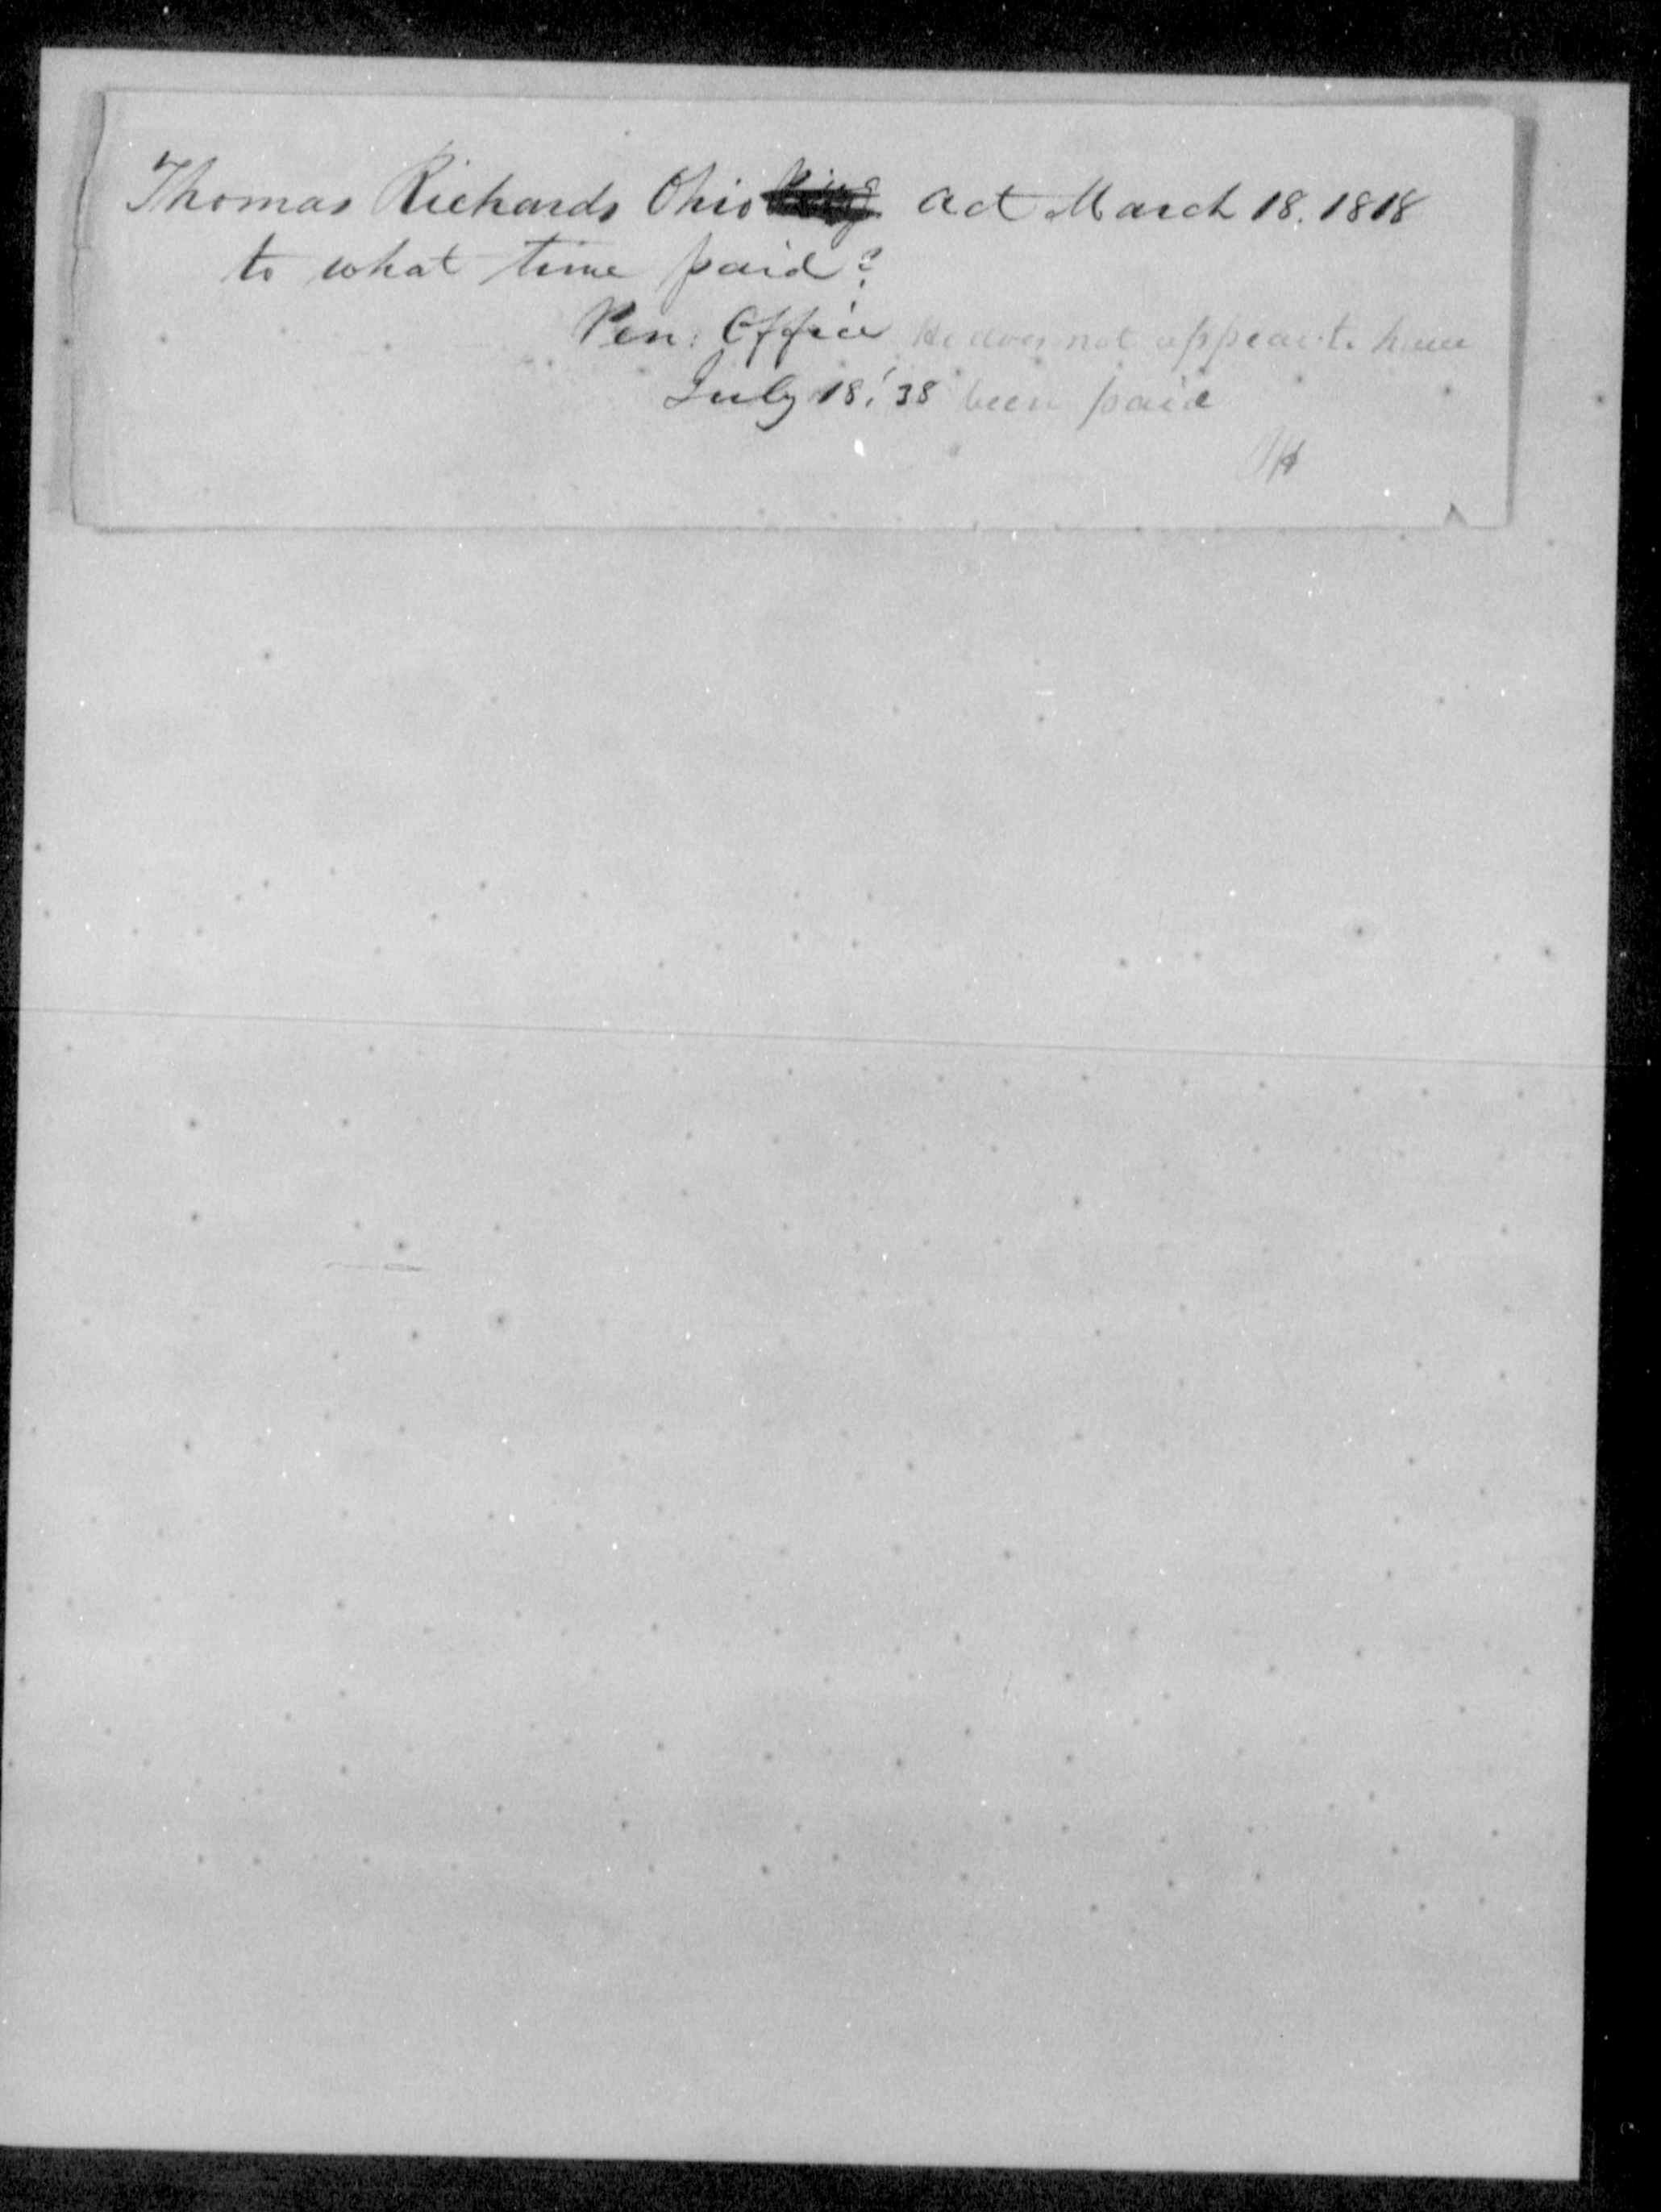Thomas Richards Ohio Act March 18, 1818
to what time paid?
Pen: [PENSION] Office he does not appear to have been paid
July 18 '[18]38 
H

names: Thomas Richards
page: 90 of 109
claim: widow's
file: W. 5709, for Thomas Richards, New Hampshire